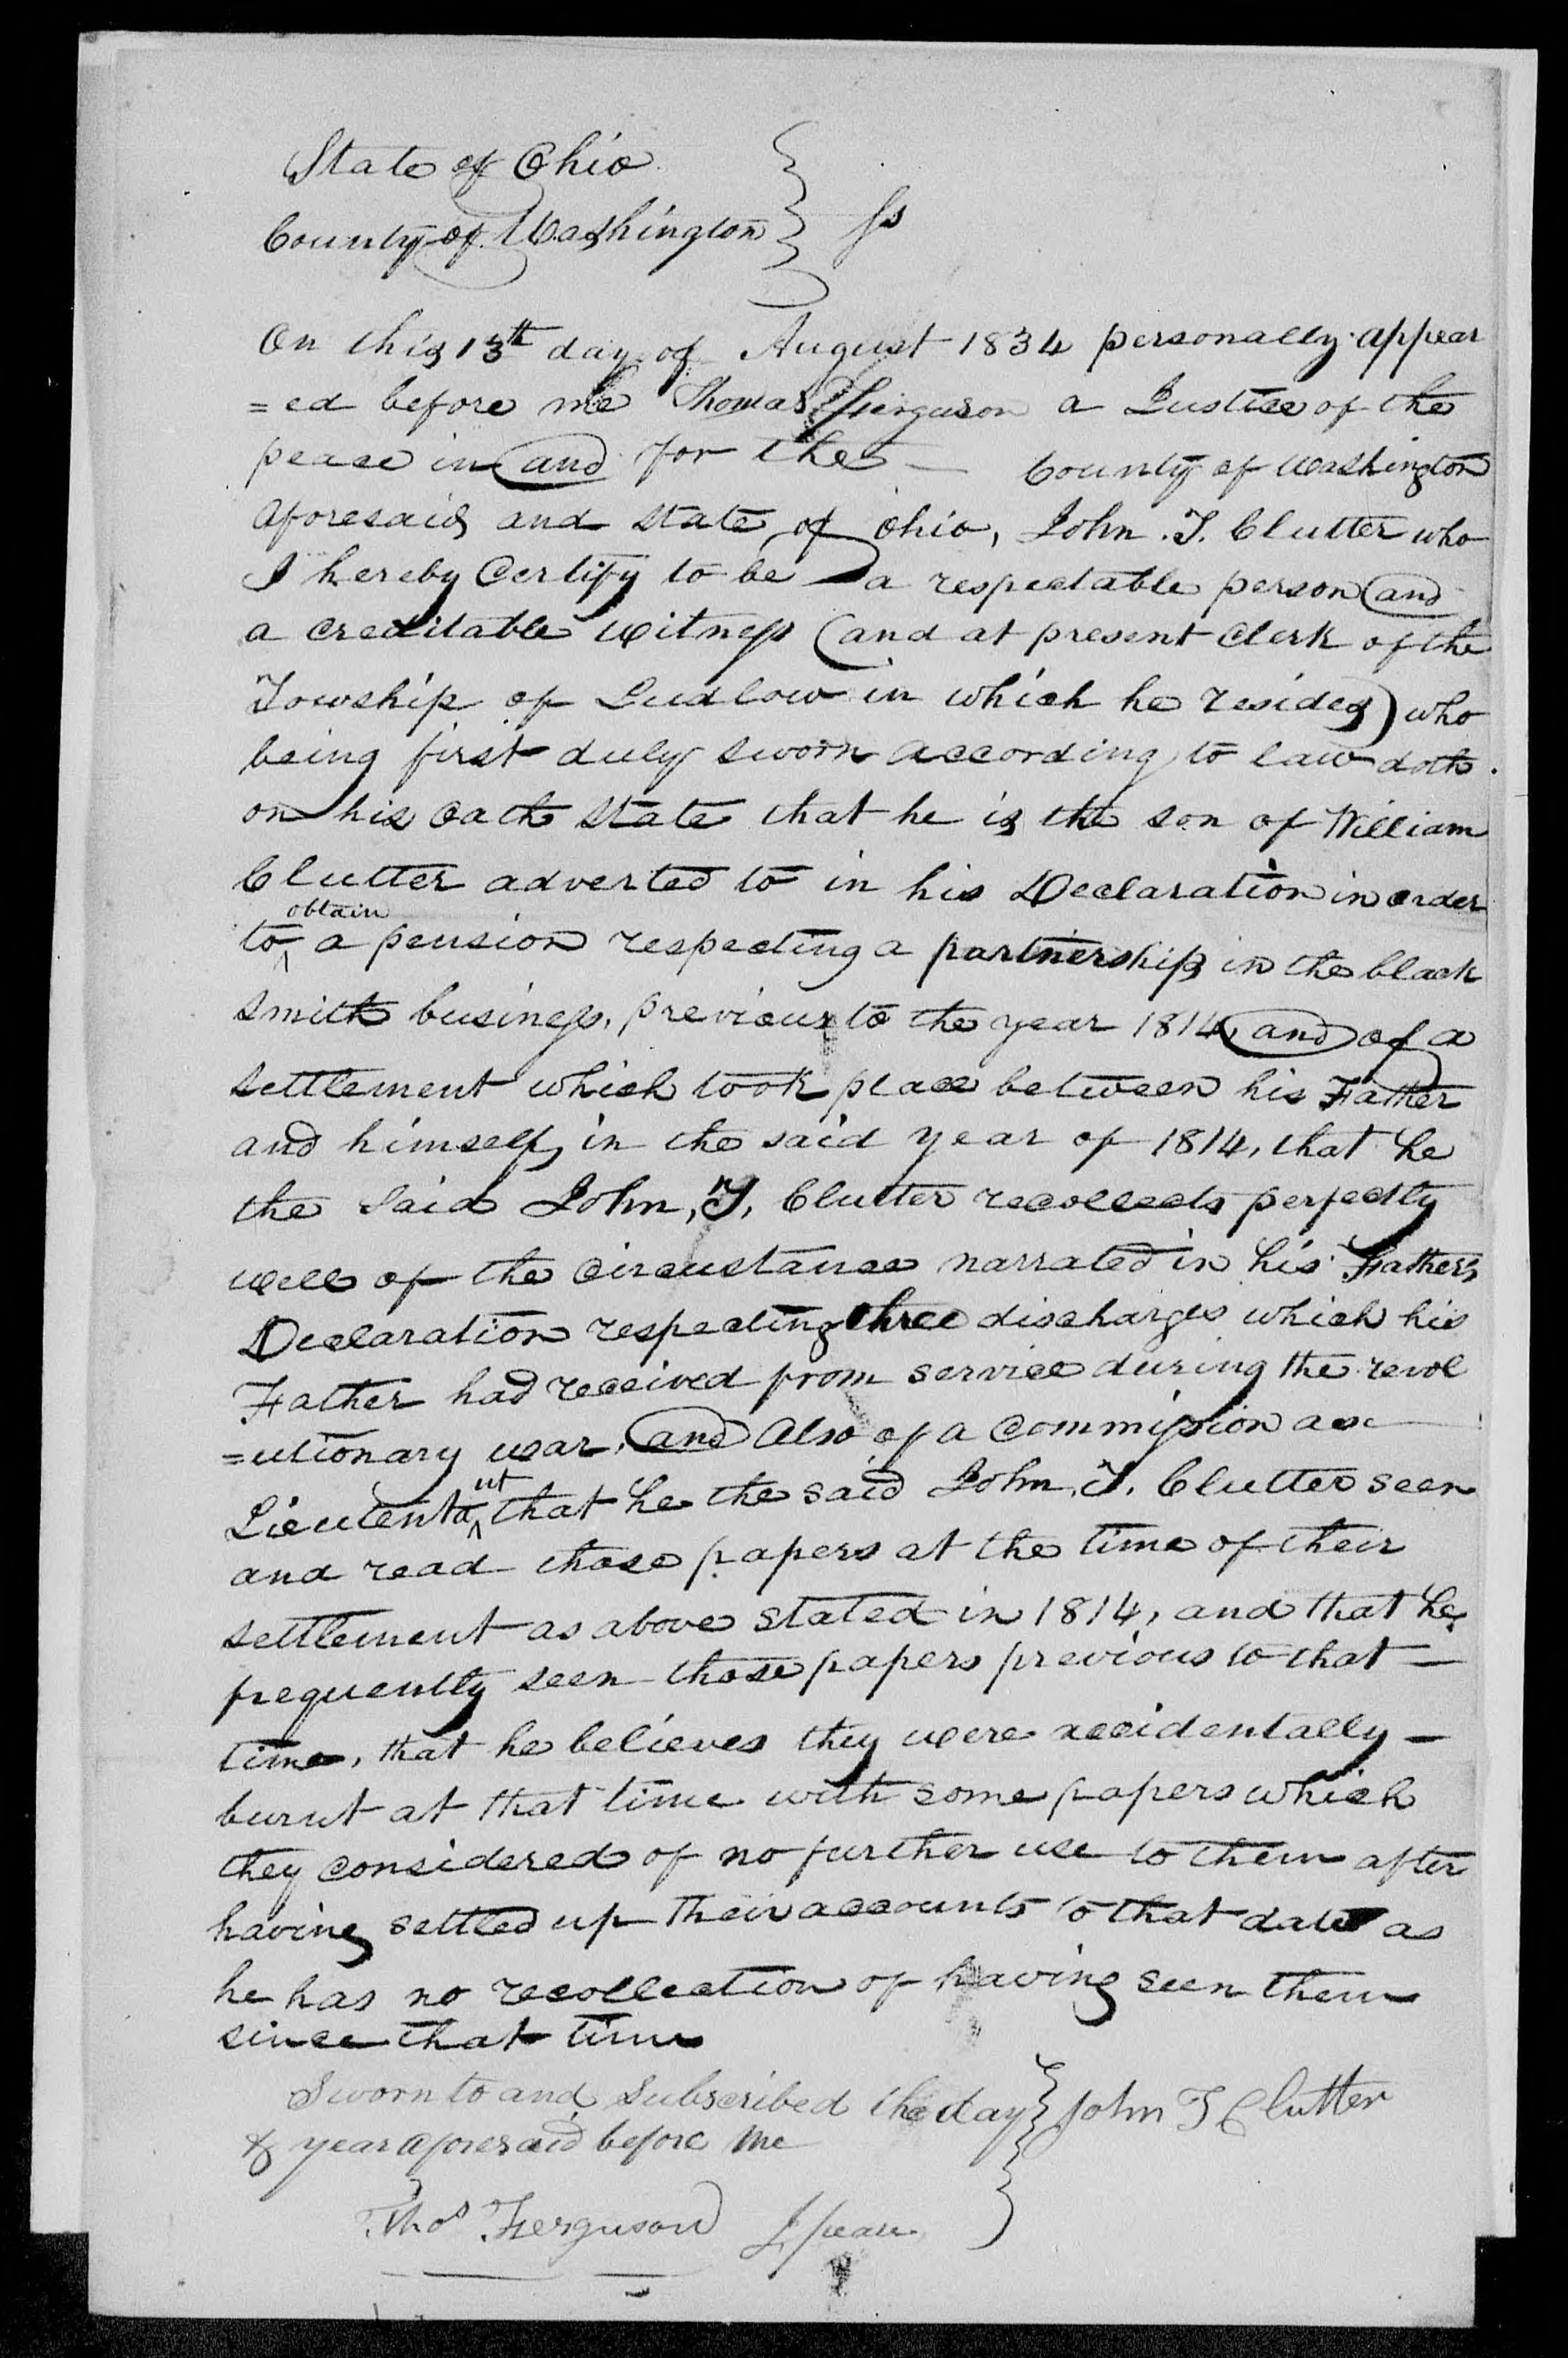State of Ohio
County of Washington }ss.
On this 13th day of August 1834 personally appeared before me Thomas Ferguson, a Justice of the Peace in and for the County of Washington aforesaid and State of Ohio, John T. Clutter who I hereby certify to be a respectable person and a creditable witness (and at present, clerk of the Township of Ludlow in which he resides) who being first duly sworn according to law doth on his oath state that he is the son of William Clutter adverted to in his declaration in order to obtain a pension respecting a partnership in the  black smith business, previous to the year 1814 and of a settlement which took place between his father and himself in the said year of 1814, that the said John T. Clutter recollects perfectly well of the circumstances narrated in his father's declaration respecting three discharges which his father had received from service during the revolutionary war and also of a commission as Lieutenant that he, the said John T. Clutter seen and read those papers at the time of their settlement as above stated in 1814, and that he frequently seen those papers previous to that time, that he believes they were accidentally burnt at that time with some papers which they considered of no further use to them after having settled up their accounts to that date as he has no recollection of having seen them since that time. 
John T. Clutter
 
Sworn to and subscribed the day & year aforesaid before me.
Thos Ferguson J. Peace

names: Thomas Ferguson, John T Clutter, Thos Ferguson, John T Clutter, John T Clutter, William Clutter, John T Clutter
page: 13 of 35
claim: rejected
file: R. 2066, William Clutter, New Jersey